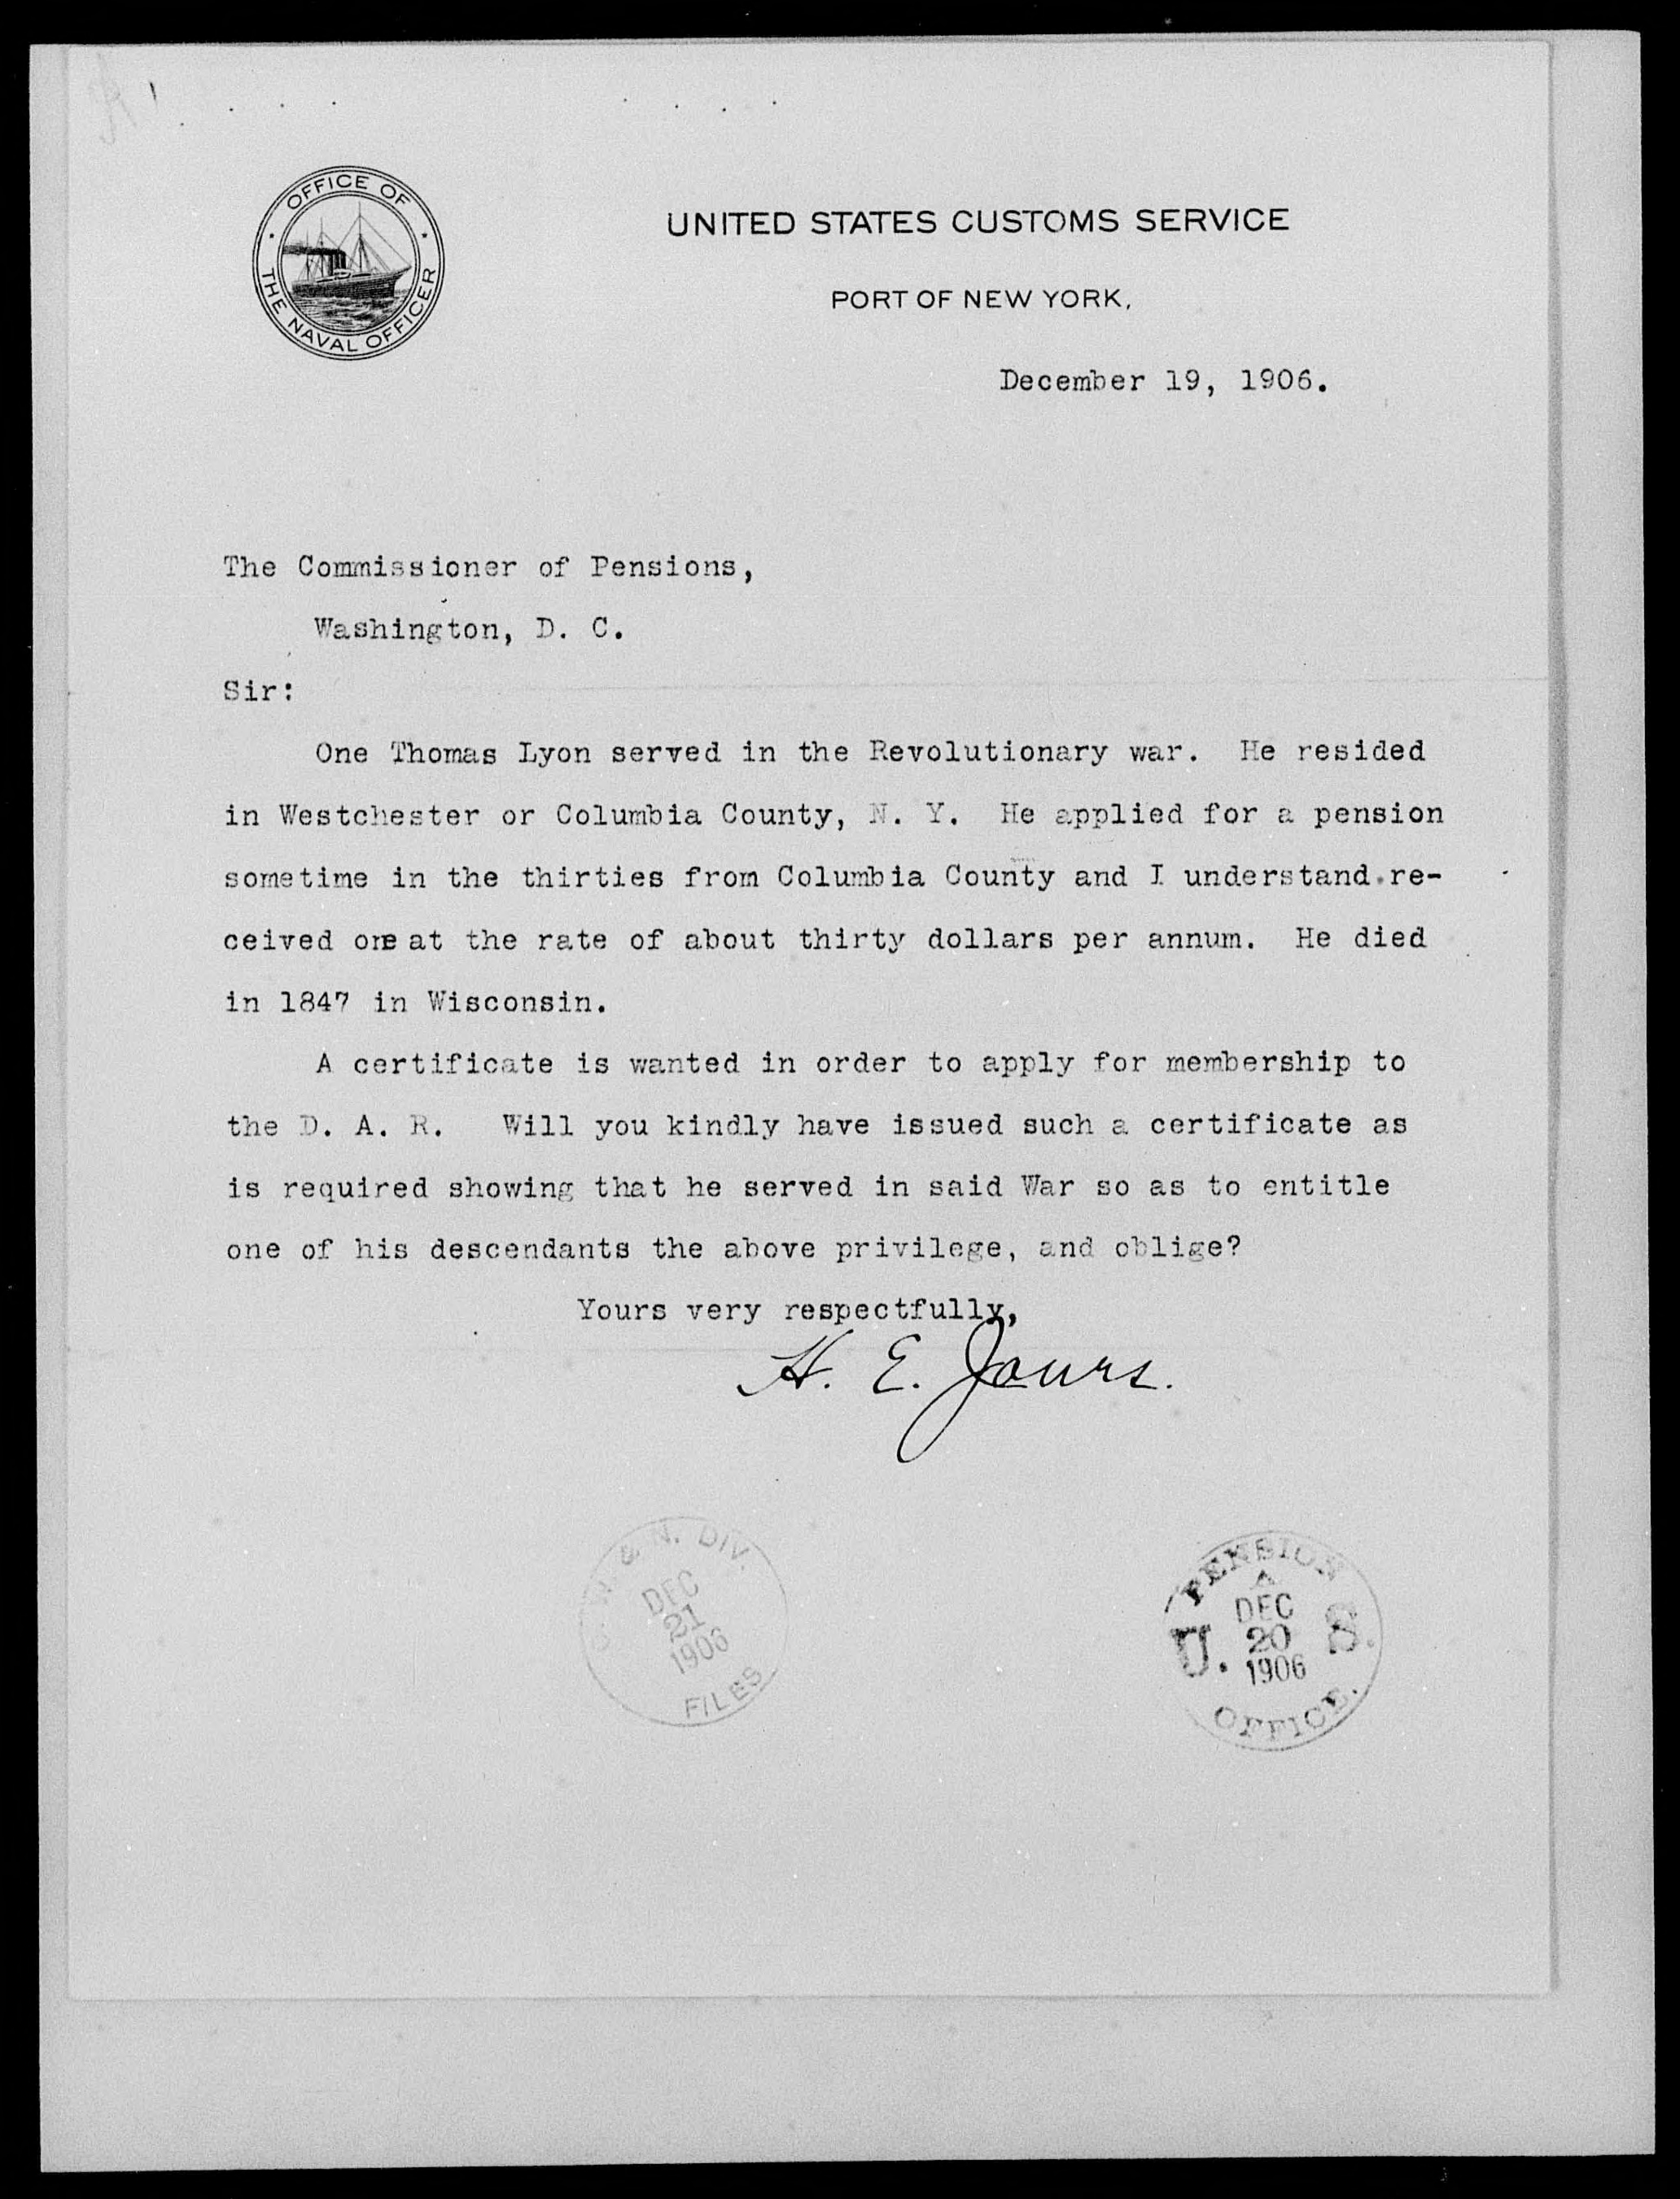[seal]OFFICE OF THE NAVAL OFFICER

UNITED STATES CUSTOMS SERVICE
PORT OF NEW YORK.
December 19, 1906.

The Commissioner of Pensions,
Washington, D. C.
Sir:
One Thomas Lyon served in the Revolutionary war. He resided in Westchester or Columbia County, N. Y. He applied for a pension sometime in the thirties from Columbia County and I understand, received one at the rate of about thirty dollars per annum. He died
in 1847 in Wisconsin.
A certificate is wanted in order to apply for membership to the D. A. R. Will you kindly have issued such a certificate as is required showing that he served in said War so as to entitle one of his descendants the above privilege, and oblige?
Yours very respectfully,
H. E. Jones

[stamp]U.S. PENSION OFFICE DEC 20 1906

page: 19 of 28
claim: survivor's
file: S. 21,872, for Thomas Lyon, New York